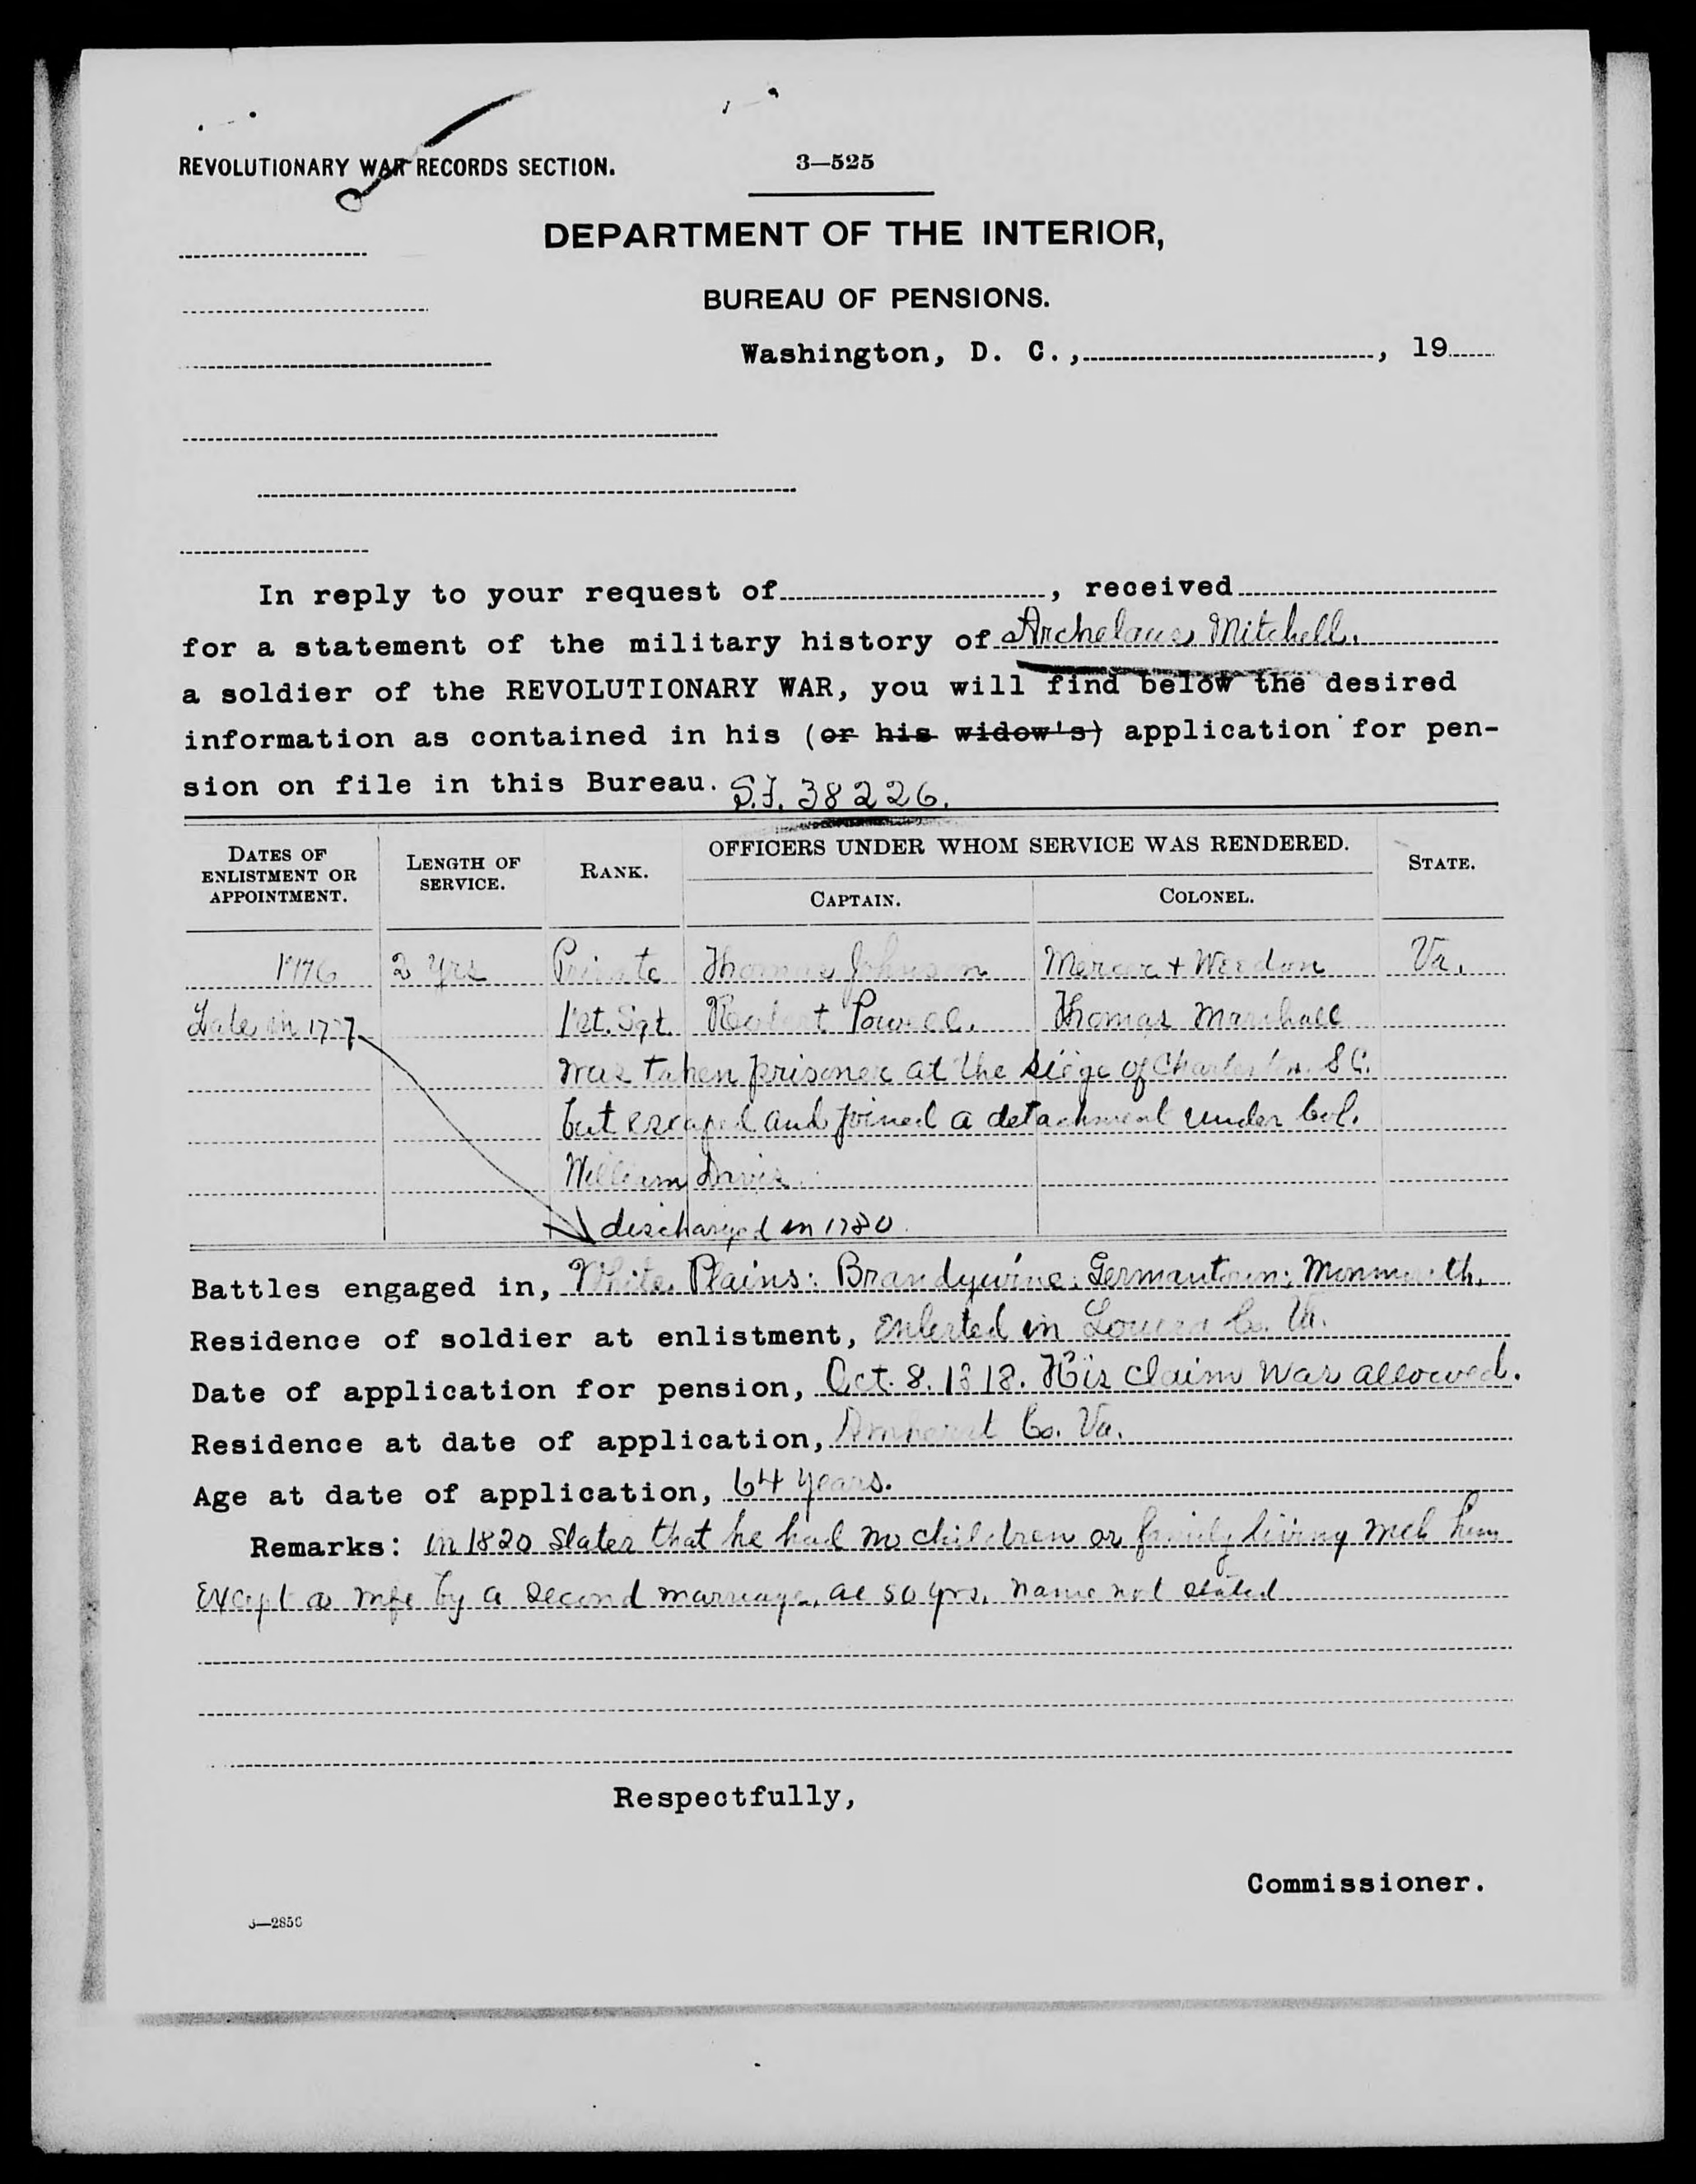3-525
REVOLUTIONARY WAR RECORDS SECTION.
DEPARTMENT OF THE INTERIOR,
BUREAU OF PENSIONS.
Washington, D. C.,  [blank], 19[blank]

In reply to your request of [blank], received [blank] for a statement of the military history of Archelaus Mitchell a soldier of the REVOLUTIONARY WAR, you will find below the desired information as contained in his (of his widow's) application for pension on file in this Bureau.

Dates of enlistment or appointment.
1776
Late in 1777

Length of service.
2 yrs

Rank.
Private
1st Sgt

was taken prisoner at the siege of Charleston S. C. but escaped and joined a detachment under Col. William Davis
discharged in 1780

OFFICERS UNDER WHOM SERVICE WAS RENDERED.
Captain.
Thomas Johnson
Robert Powell

Colonel.
Mercer & Weedon
Thomas Marshall

State.
Va.

Battles engaged in, 
White Plains; Brandywine; Germantown; Monmouth

Residence of soldier at enlistment, 
enlisted in Louisa Co. Va.

Date of application for pension.
Oct. 8, 1818. His claim was allowed.

Residence at date of application,
Amherst Co. Va.

Age at date of application,
64 years.

Remarks:
in 1820 states that he had no children or family living with him except a wife by a second marriage, ae 50 yrs. name not stated

Respectfully,
Commissioner.
6-2856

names: [BLANK] Real; [BLANK] Powell; William Davis; Thomas Marshall; [BLANK] Mercer; [BLANK] Weeton; Archelaus Mitchell; Thomas Johnson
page: 9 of 23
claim: survivor's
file: S. 38226, for Archelaus Mitchell, Virginia